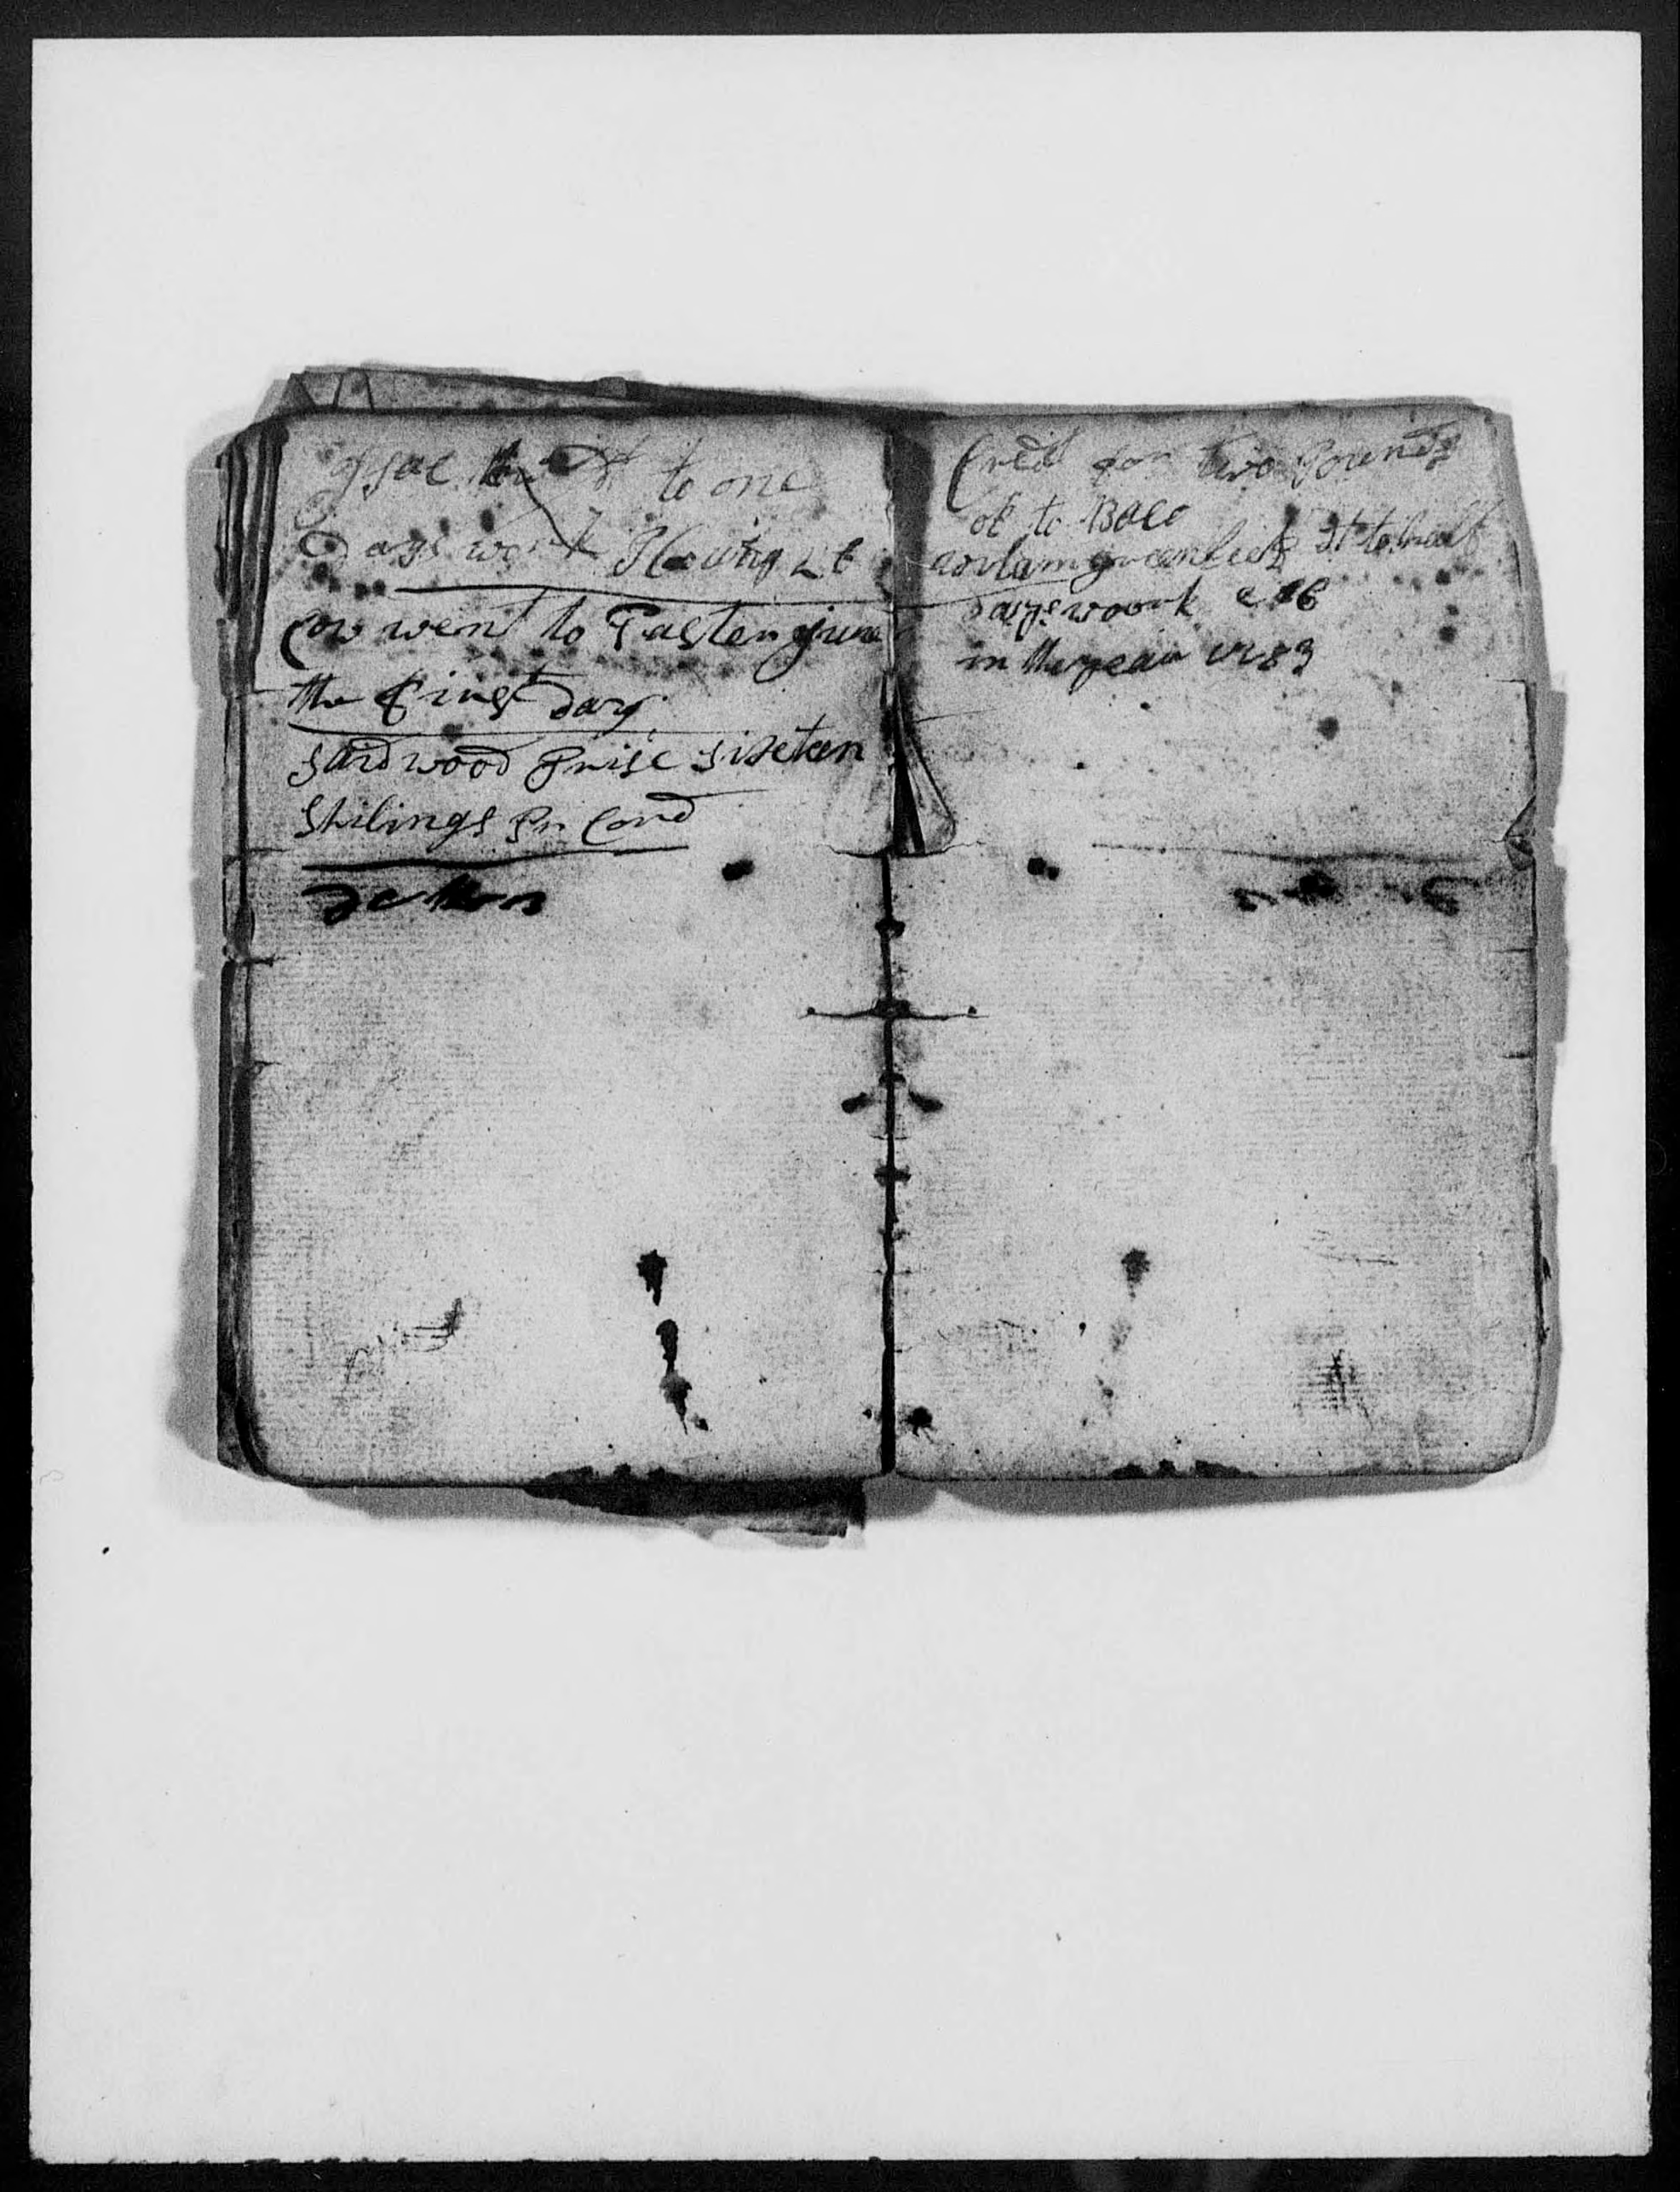[Left side]
2 gallons [illegible] to one [illegible] [illegible]plowing £6
[illegible] went to [illegible] June the [illegible] day.
[illegible] [illegible]sixteen shillings per [illegible]

[Right side]
[illegible] for two pounds of [illegible] [illegible]
[illegible]given [illegible] [illegible]to [illegible]
Days work [illegible]
In the year 1789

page: 18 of 34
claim: widow's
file: W. 20,896, Timothy Corless, Continental Mass